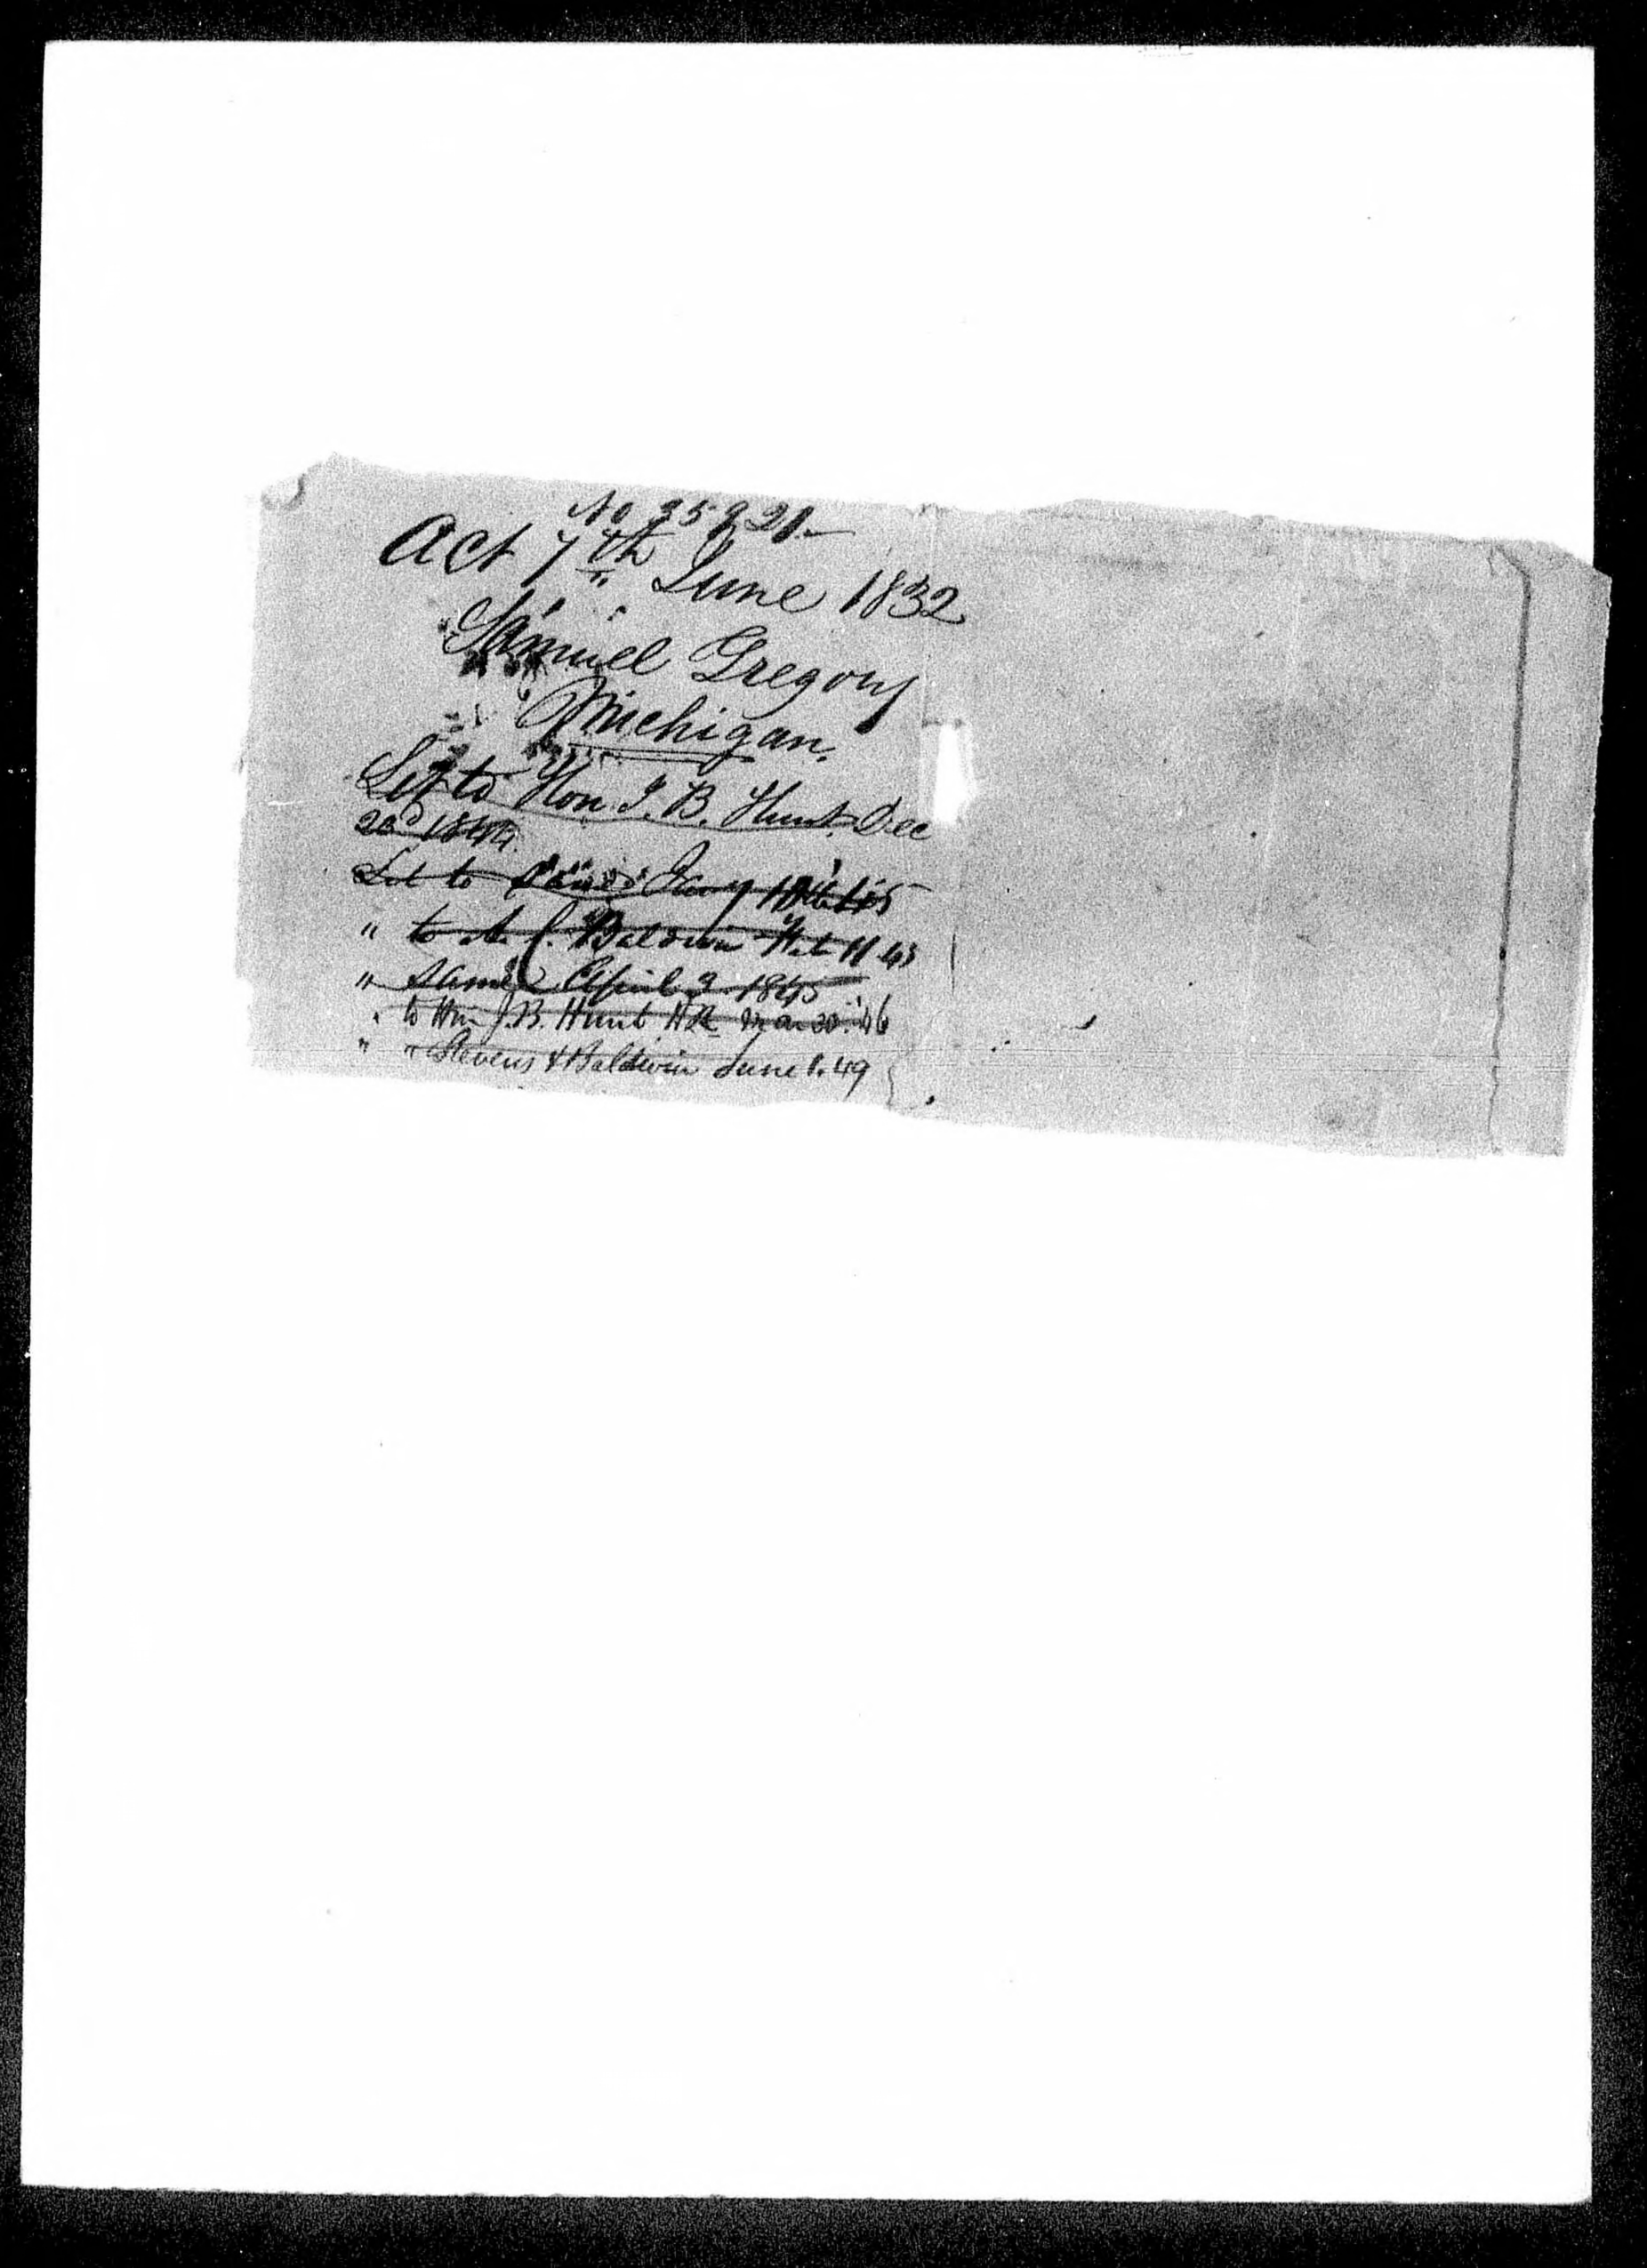No 35921

Act 7th June 1832

Samuel Gregory
Michigan

[remainder crossed out]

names: Samuel Gregory, Stevens, A C Baldwin, J B Hunt, Baldwin, J B Hunt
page: 33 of 66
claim: rejected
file: R. 4298, Samuel Gregory, New York